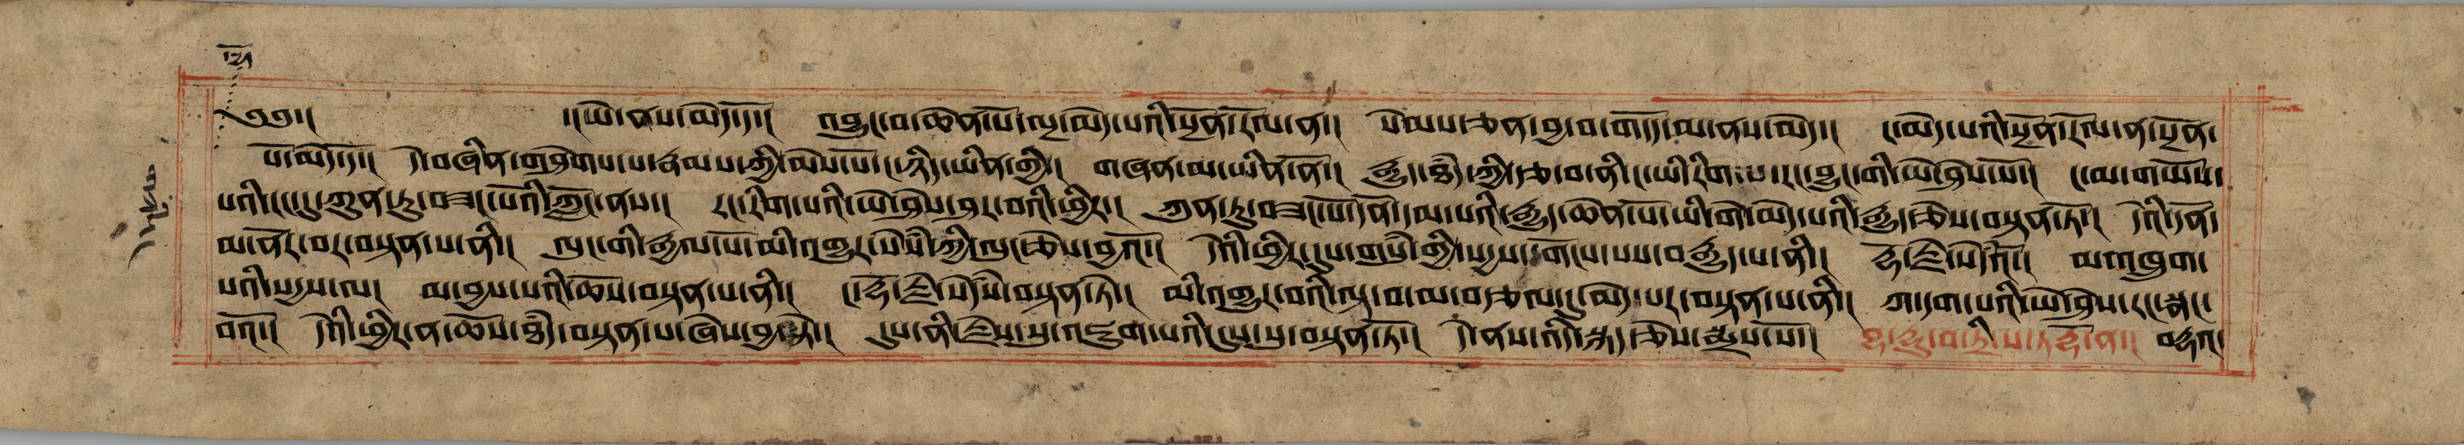༄༅་། ་།ཡེ་ནས་མེད་དོ་། འབྱུང་བ་ཆེན་པོ་ལྔ་མེད་པའི་སྔོན་རོལ་ན་། སེམས་ཅན་བྱ་བ་གདོད་མ་ནས་མེད་། ང་མེད་པའི་སྔོན་རོལ་ན་སྔོན་
པོ་མེད་དོ་། དེ་བཞིན་གཤེགས་པ་རྣམས་ཀྱི་མེས་པོ་ང་ཉིད་ཡིན་གྱི་། གཞན་མ་ཡིན་ནོ་། རྒྱུད་ཐཾད་ཀྱི་རྩ་བ་ནི་ང་ཡི་རིག་པ་རང་བྱུང་གི་ཡེ་ཤེས་སོ་། ང་མ་གཡོས་
པའི་ངང་དུ་ཀུན་ཏུ་བཟང་པོའི་ཀློང་ནས་། རང་རིག་པའི་ཡེ་ཤེས་ཤར་བའི་ཕྱིར་། ཀུན་ཏུ་བཟང་པོ་དོན་དམ་པའི་རྒྱུད་ཆེན་པོ་ཡི་གེ་མེད་པའི་རྒྱུད་ཅེས་བསྟན་ཏོ་། དེའི་དོན་
མ་ནོར་བར་བསྟན་པ་ནི་། ལུང་གི་རྒྱལ་པོ་མི་འགྱུར་སེཾས་ཀྱི་ལུང་ཅེས་བྱའོ་། དེའི་ཕྱིར་དུས་གསུཾ་གྱི་སདྱས་དགོངས་པས་བརྒྱུད་པ་ནི་། རྡོ་རྗེ་སེཾདའོ་། མ་འཁྲུག་
པའི་སདྱས་ལ། མ་བྱས་པའི་ཆོས་བསྟན་པ་ནི་། །་རྡོ་རྗེ་སེདཾས་བསྟན་ཏེ་། མི་འགྱུར་བའི་ལྟ་བ་མ་བརྩལ་དུ་མེད་པར་བསྟན་པ་ནི་། ཀ་དག་པའི་ཡེ་ཤེས་རང་སྣང་
བའོ་། དེའི་ཕྱིར་ན་ཆོས་ཐཾད་བསྟན་པ་ཞེས་བྱ་ཏེ་། དུས་ནི་རྗེས་སུ་འཇུག་པའི་དུས་སུ་བསྟན་ཏོ་། དེ་ནས་འདི་སྐད་ཅེས་སྨྲས་སོ་། བྷ་དྷུ་བ་ཏྲི་ས་ཏ་དྷོ་ན་། བདྷའ་